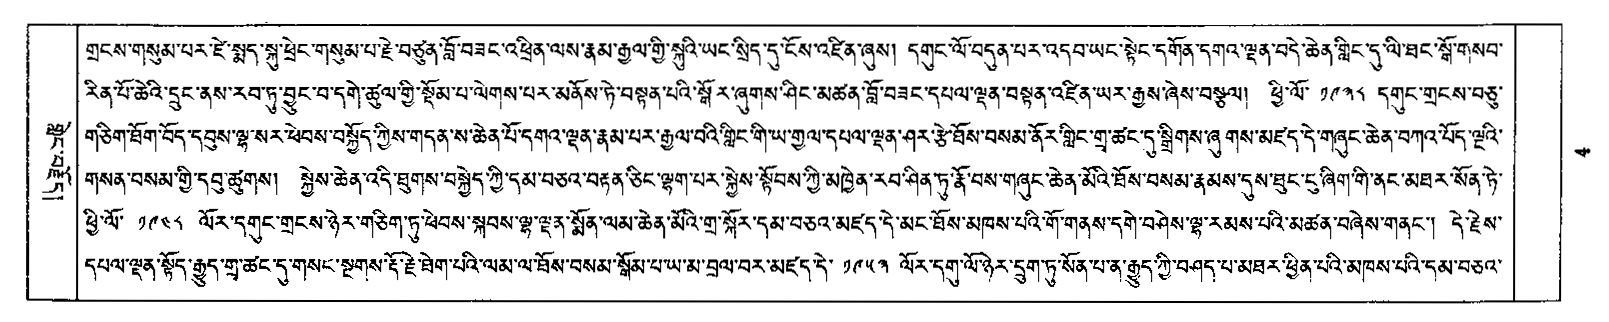གྲངས་གསུམ་པར་ཛེ་སྨད་སྐུ་ཕྲེང་གསུམ་པ་རྗེ་བཙུན་བློ་བཟང་འཕྲིན་ལས་རྣམ་རྒྱལ་གྱི་སྐུའི་ཡང་སྲིད་དུ་ངོས་འཛིན་ཞུས། དགུང་ལོ་བདུན་པར་འདབ་ཡང་སྟེང་དགོན་དགའ་ལྡན་བདེ་ཆེན་གླིང་དུ་ལི་ཐང་སྒོ་གསབ་
རིན་པོ་ཆེའི་དྲུང་ནས་རབ་ཏུ་བྱུང་བ་དགེ་ཚུལ་གྱི་སྡོམ་པ་ལེགས་པར་མནོས་ཏེ་བསྟན་པའི་སྒོར་ཞུགས་ཤིང་མཚན་བློ་བཟང་དཔལ་ལྡན་བསྟན་འཛིན་ཡར་རྒྱས་ཞེས་བསྩལ། ཕྱི་ལོ ༡༩༣༨་དགུང་གྲངས་བཅུ་
གཅིག་ཐོག་བོད་དབུས་ལྷ་སར་ཕེབས་བསྐྱོད་ཀྱིས་གདན་ས་ཆེན་པོ་དགའ་ལྡན་རྣམ་པར་རྒྱལ་བའི་གླིང་གི་ཡ་གྱལ་དཔལ་ལྡན་ཤར་རྩེ་ཐོས་བསམ་ནོར་གླིང་གྲྭ་ཚང་དུ་སྒྲིགས་ཞུགས་མཛད་དེ་གཞུང་ཆེན་བཀའ་པོད་ལྔའི་
གསན་བསམ་གྱི་དབུ་ཚུགས། སྐྱེས་ཆེན་འདི་ཐུགས་བསྐྱེད་ཀྱི་དམ་བཅའ་བརྟན་ཅིང་ལྷག་པར་སྐྱེས་སྟོབས་ཀྱི་མཁྱེན་རབ་ཤིན་ཏུ་རྣོ་བས་གཞུང་ཆེན་མོའི་ཐོས་བསམ་རྣམས་དུས་ཐུང་ངུ་ཞིག་གི་ནང་མཐར་སོན་ཏེ་
ཕྱི་ལོ ༡༩༤༨་ལོར་དགུང་གྲངས་ཉེར་གཅིག་ཏུ་ཕེབས་སྐབས་ལྷ་ལྡན་སྨོན་ལམ་ཆེན་མོའི་གྲ་སྐོར་དམ་བཅའ་མཛད་དེ་མང་ཐོས་མཁས་པའི་གོ་གནས་དགེ་བཤེས་ལྷ་རམས་པའི་མཚན་བཞེས་གནང་། དེ་རྗེས་
དཔལ་ལྡན་སྟོད་རྒྱུད་གྲྭ་ཚང་དུ་གསང་སྔགས་རྡོ་རྗེ་ཐེག་པའི་ལམ་ལ་ཐོས་བསམ་སྒོམ་པ་ཡ་མ་བྲལ་བར་མཛད་དེ ༡༩༥༣་ལོར་དགུ་ལོ་ཉེར་དྲུག་ཏུ་སོན་པ་ན་རྒྱུད་ཀྱི་བཤད་པ་མཐར་ཕྱིན་པའི་མཁས་པའི་དམ་བཅའ་